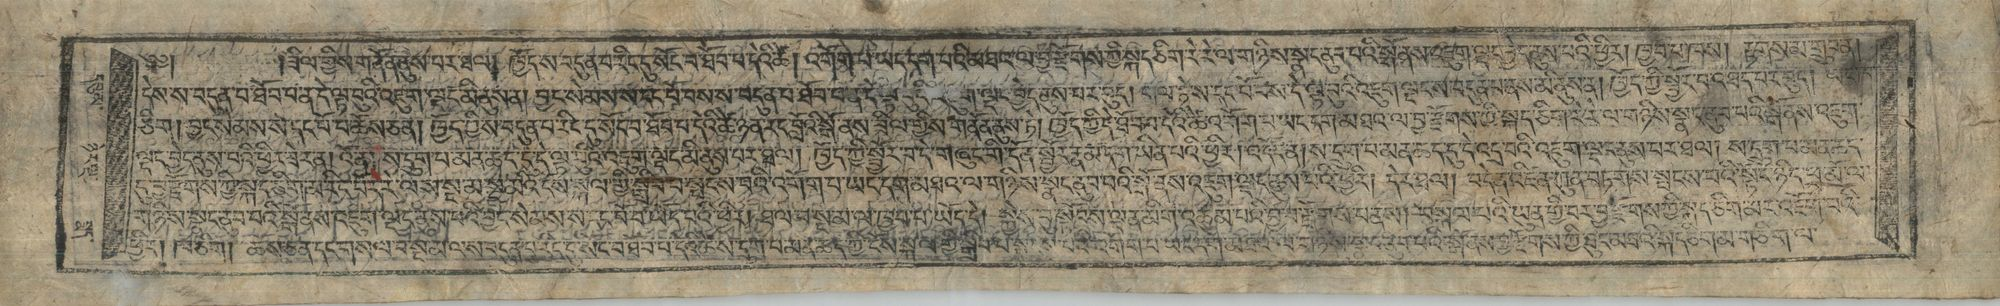༄༅། །ཟིལ་གྱིས་གནོན་ནུས་པར་ཐལ། ཁྱོད་ས་བདུན་པ་རིང་དུ་སོང་བ་ཐོབ་པ་དེའི་ཚེ། འགོག་པ་ཡང་དག་པའི་མཐའ་ལ་བྱ་རྫོགས་ཀྱི་སྐད་ཅིག་རེ་རེ་ལ་གཉིས་སྣང་ནུབ་པའི་སྒོ་ནས་འཇུག་ལྡང་བྱེད་ནུས་པའི་ཕྱིར། ཁྱབ་པ་ཁས། རྟགས་མ་གྲུབ་ན།
དེས་ས་བདུན་པ་ཐོབ་པ་ན་དེ་ལྟ་བུའི་འཇུག་ལྡང་མི་ནུས་ན། བྱང་སེམས་ས་དང་པོ་བས་ས་བདུན་པ་ཐོབ་པ་ན་དེ་ལྟ་བུའི་འཇུག་ལྡང་བྱེད་ནུས་པར་བུད། གལ་ཏེ་ས་དང་པོ་བས་དེ་ལྟ་བུའི་འཇུག་ལྡང་ས་བདུན་པ་ནས་མི་ནུས་ན། ཁྱོད་ཀྱི་སྦྱོར་བ་འཐད་པར་བུད། ཡང་ཁ་
ཅིག །བྱང་སེམས་ས་དང་པོ་བ་ཆོས་ཅན། ཁྱོད་ཀྱིས་བདུན་པ་རིང་དུ་སོང་བ་ཐོབ་པ་དེའི་ཚེ་ཉན་རང་བློའི་སྒོ་ནས་ཟིལ་གྱིས་གནོན་ནུས་ཏེ། ཁྱོད་ཀྱི་དེ་ཐོབ་པ་དེའི་ཚེ་འགོག་པ་ཡང་དག་མཐའ་ལ་བྱ་རྫོགས་ཀྱི་སྐད་ཅིག་རེ་རེ་ལ་གཉིས་སྣང་ནུབ་པའི་སྒོ་ནས་འཇུག་
ལྡང་བྱེད་ནུས་བའི་ཕྱིར་ཟེར་ན། འོ་ན། ས་དྲུག་པ་མན་ཆད་དུ་དེ་ལྟ་བུའི་འཇུག་ལྡང་མི་ནུས་པར་ཐལ། ཁྱོད་ཀྱི་སྦྱོར་བ་དེ་གཞུང་གི་དོན་སྦྱོར་རྣམ་དག་ཡིན་པའི་ཕྱིར། འདོད་ན། ས་དྲུག་པ་མན་ཆད་དུ་དེ་འདྲ་བའི་འཇུག་ལྡང་ནུས་པར་ཐལ། ས་དྲུག་པ་མན་ཆད་
དུ་བྱ་རྫོགས་ཀྱི་སྐད་ཅིག་མ་རིང་པོ་རེ་རེ་ལས་སྔ་མ་སྔ་མའི་ངོས་སྐལ་གྱི་སྒྲིབ་པ་སྤངས་པའི་འགོག་པ་ཡང་དག་མཐའ་ལ་གཉིས་སྣང་ནུབ་པའི་སྒོ་ནས་འཇུག་ལྡང་ནུས་པའི་ཕྱིར། དེར་ཐལ། བདེན་འཛིན་ཀུན་བཏགས་སྤངས་པའི་སྟོང་ཉིད་ཕྲ་མོ་ལ་
གཉིས་སྣང་ནུབ་བའི་སྒོ་ནས་འཇུག་ལྡང་ནུས་བའི་བྱང་སེམས་ས་དང་པོ་བ་ཡོད་པའི་ཕྱིར། ཐལ་བ་སྔ་མ་ལ་ཁྱབ་པ་ཡོད་དེ། སྐྱེས་བུ་སྟོབས་ལྡན་མིག་འཚུམ་པའི་བྱ་བ་རྫོགས་པ་ནས། བསྐལ་བའི་ཡུན་གྱི་བར་བྱ་རྫོགས་ཀྱི་སྐད་ཅིག་མར་འཇོག་པའི་
ཕྱིར། ཁ་ཅིག །ཆོས་ཅན་དང་གསལ་བ་སྔ་མ་ལས་བདུན་པ་རིང་དུ་སོང་བ་ཐོབ་པ་དེའི་ཚེ་ས་དྲུག་པ་མན་ཆད་ཀྱི་ངོས་སྐལ་གྱི་སྒྲིབ་པ་སྤངས་པའི་འགོག་པ་ཡང་དག་མཐའ་ལ་གཉིས་སྣང་ནུབ་པའི་སྒོ་ནས་བྱ་རྫོགས་ཀྱི་ཐུང་མཐའི་སྐད་ཅིག་མ་གཅིག་ལ་